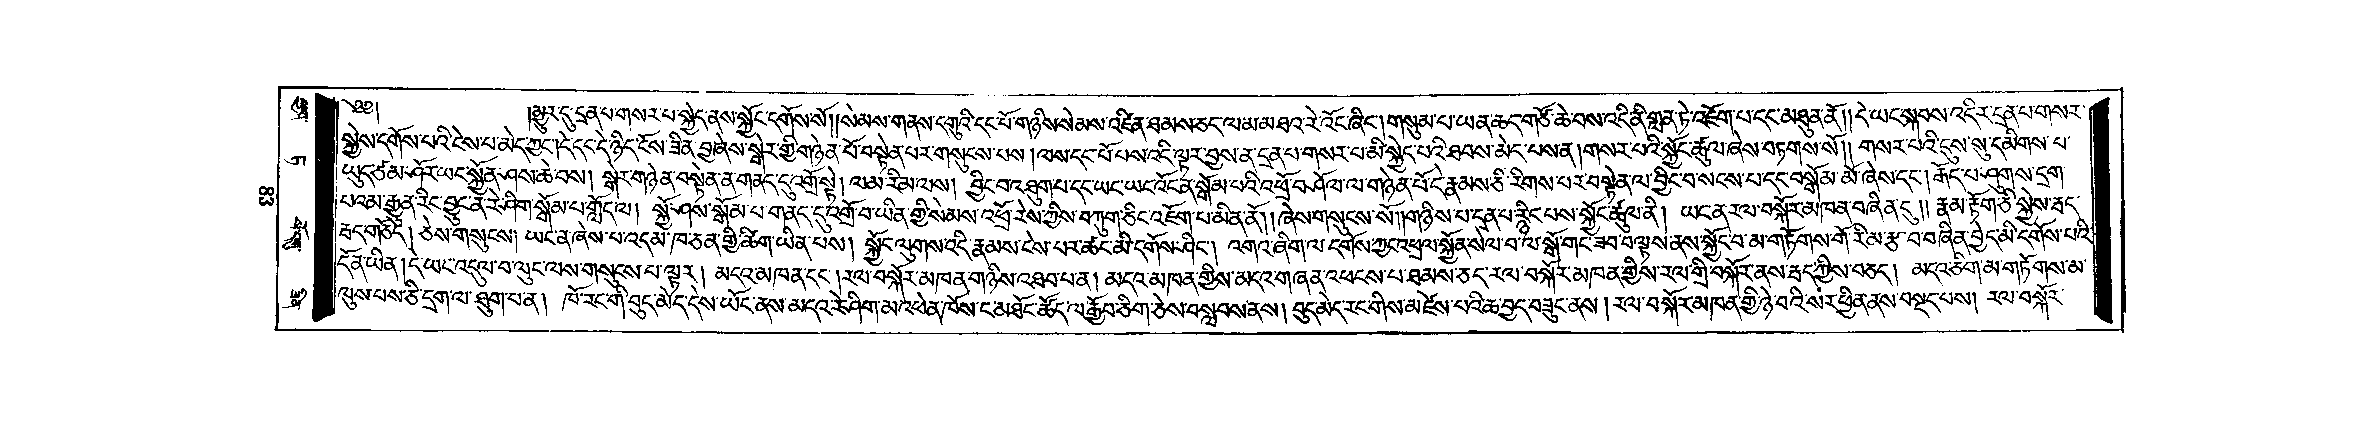༄༅། །མྱུར་དུ་དྲན་པ་གསར་པ་སྐྱེད་ནས་སྐྱོང་དགོས་སོ། །སེམས་གནས་དགུའི་དང་པོ་གཉིས་སེམས་འཛིན་ཐམས་ཅད་ལ་མ་མཐའ་རེ་འོང་ཞིང་། གསུམ་པ་ཡན་ཆད་གཙོ་ཆེ་བས་འདི་ནི་གླན་ཏེ་འཇོག་པ་དང་མཐུན་ནོ། །དེ་ཡང་སྐབས་འདིར་དྲན་པ་གསར་
སྐྱེས་དགོས་པའི་ངེས་པ་མེད་ཀྱང་། དེ་དང་དེ་ཉིད་ངོས་ཟིན་བྱ་ཞེས་སྒེར་གྱི་གཉེན་པོ་བསྟེན་པར་གསུངས་པས། ལས་དང་པོ་པས་འདི་ལྟར་བྱས་ན་དྲན་པ་གསར་པ་མི་སྐྱེད་པའི་ཐབས་མེད་པས་ན། གསར་པའི་སྐྱོང་ཚུལ་ཞེས་བཏགས་སོ། །གསར་པའི་དུས་སུ་དམིགས་པ་
ཡུད་ཙམ་ཤོར་ཡང་སྐྱོན་ཤས་ཆེ་བས། སྒེར་གཉེན་བསྟེན་ན་གནད་དུ་འགྲོ་སྟེ། ལམ་རིམ་ལས། བྱིང་བ་འཐུག་པ་དང་ཡང་ཡང་འོང་ན་སྒོམ་པའི་འཕྲོ་བཤོལ་ལ་གཉེན་པོ་དེ་རྣམས་ཅི་རིགས་པར་བསྟེན་ལ་བྱིང་བ་སངས་པ་དང་བསྒོམ་མོ་ཞེས་དང་། རྒོད་པ་ཤུགས་དྲག་
པའམ་རྒྱུན་རིང་བྱུང་ན་རེ་ཤིག་སྒོམ་པ་གློད་ལ། སྐྱོ་ཤས་སྒོམ་པ་གནད་དུ་འགྲོ་བ་ཡིན་གྱི་སེམས་འཕྲོ་རེས་ཀྱིས་བཀུག་ཅིང་འཇོག་པ་མིན་ནོ། །ཞེས་གསུངས་སོ། །གཉིས་པ་དྲན་པ་རྙིང་པས་སྐྱོང་ཚུལ་ནི། ཡང་ན་རལ་བསྐོར་མཁན་བཞིན་དུ། །རྣམ་རྟོག་ཅི་སྐྱེས་རྦད་
རྦད་གཅོད། ཅེས་གསུངས། ཡང་ན་ཞེས་པ་འདམ་ཁ་ཅན་གྱི་ཚིག་ཡིན་པས། སྐྱོང་ལུགས་འདི་རྣམས་ངེས་པར་ཚང་མི་དགོས་ཤིང་། འགའ་ཞིག་ལ་དགོས་ཀྱང་འཕྲལ་སྐྱོན་སེལ་བ་ལ་སྒོ་གང་ཟབ་བལྟས་ནས་སྐྱོང་བ་མ་གཏོགས་གོ་རིམ་རྩ་བ་བཞིན་བྱེད་མི་དགོས་པའི་
དོན་ཡིན། དེ་ཡང་འདུལ་བ་ལུང་ལས་གསུངས་པ་ལྟར། མདའ་མཁན་དང་། རལ་བསྐོར་མཁན་གྱིས་འཐབ་པ་ན། མདའ་མཁན་གྱིས་མདའ་གཞན་འཕངས་པ་ཐམས་ཅད་རལ་བསྐོར་མཁན་གྱིས་རལ་གྲི་བསྐོར་ནས་རྦད་ཀྱིས་བཅད། མདའ་ཅིག་མ་གཏོགས་མ་
ལུས་པས་ཅི་དྲག་ལ་ཐུག་པ་ན། ཁོ་རང་གི་བུད་མེད་དེས་ཡོང་ནས་མདའ་རེ་ཤིག་མ་འཕེན་ཁོས་ང་མཐོང་ཚོད་ལ་རྒྱོབ་ཅིག་ཅེས་བསླབས་ནས། བུད་མེད་རང་གིས་མཛེས་པའི་ཆ་བྱད་བཟུང་ནས། རལ་བསྐོར་མཁན་གྱི་ཉེ་བའི་སར་ཕྱིན་ནས་བསྡད་པས། རལ་བསྐོར་